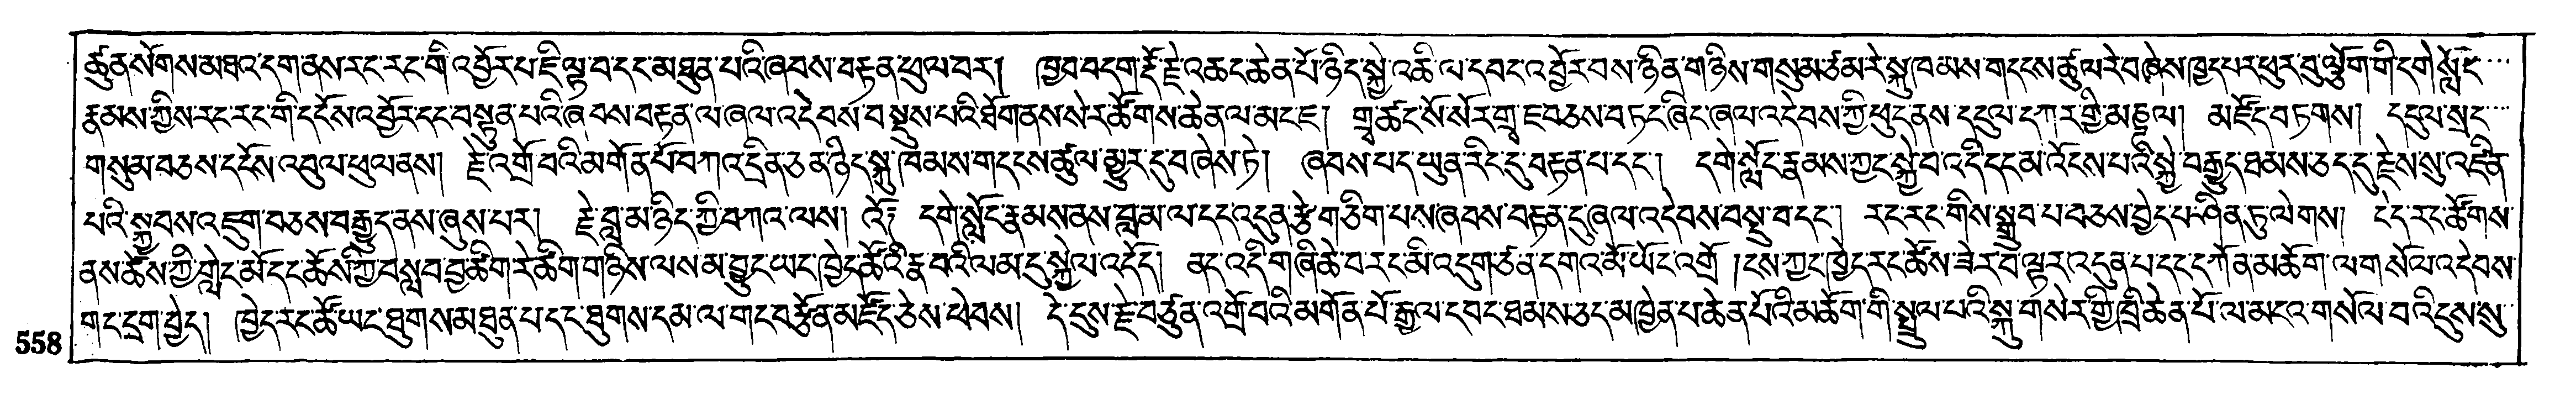ཚུན་སོགས་མཐའ་དག་ནས་རང་རང་གི་འབྱོར་པ་ཇི་ལྟ་བ་དང་མཐུན་པའི་ཞབས་བརྟན་ཕུལ་བར། ཁྱབ་བདག་རྡོ་རྗེ་འཆང་ཆེན་པོ་ཉིད་སྐྱེ་འཆི་ལ་དབང་འབྱོར་པས་ཉིན་གཉིས་གསུམ་ཙམ་རེ་སྐུ་ཁམས་གདངས་ཚུལ་རེ་བཞེས། ཁྱད་པར་ཕུར་བུ་ལྕོག་གི་དགེ་སློང་
རྣམས་ཀྱིས་རང་རང་གི་དངོས་འབྱོར་དང་བསྟུན་པའི་ཞབས་བརྟན་ལ་ཞལ་འདེབས་བསྡུས་པའི་ཐོག་ནས་སེར་ཚོགས་ཆེན་ལ་མང་ཇ། གྲྭ་ཚང་སོ་སོར་གྲྭ་ཇ་བཅས་བཏང་ཞིང་ཞལ་འདེབས་ཀྱི་ཕུད་ནས་དངུལ་དཀར་གྱི་མཎྜལ། མཛོད་བཏགས། དངུལ་སྲང་
གསུམ་བཅས་དངོས་འབུལ་ཕུལ་ནས། རྗེ་འགྲོ་བའི་མགོན་པོ་བཀའ་དྲིན་ཅན་ཉིད་སྐུ་ཁམས་གདངས་ཚུལ་མྱུར་དུ་བཞེས་ཏེ། ཞབས་པད་ཡུན་རིང་དུ་བརྟན་པ་དང་། དགེ་སློང་རྣམས་ཀྱང་སྐྱེ་བ་འདི་དང་མ་འོངས་པའི་སྐྱེ་བརྒྱུད་ཐམས་ཅད་དུ་རྗེས་སུ་འཛིན་
པའི་སྐྱབས་འཇུག་བཅས་བརྒྱུད་ནས་ཞུས་པར། རྗེ་བླ་མ་ཉིད་ཀྱི་བཀའ་ལས། འོ༑ དགེ་སློང་རྣམས་ནས་བླ་མ་ལ་དད་འདུན་རྩེ་གཅིག་པས་ཞབས་བརྟན་དུ་ཞལ་འདེབས་བསྡུ་བ་དང་། རང་རང་གིས་སྒྲུབ་པ་བཅས་བྱེད་པ་ཤིན་ཏུ་ལེགས། ངེད་རང་ཚོགས་
ནས་ཆོས་ཀྱི་གླེང་མོ་དང་ཆོས་ཀྱི་བསླབ་བྱ་ཚིག་རེ་ཚིག་གཉིས་ལས་མ་བྱུང་ཡང་ཁྱེད་ཚོའི་རྣ་བའི་ལམ་དུ་སྐྱེལ་འདོད། ནད་འདི་གཞི་ཆེ་བ་རང་མི་འདུག་ཙ་ན་དགའ་མོ་ཡོང་འགྲོ་།ངེས་ཀྱང་ཁྱེད་རང་ཚོས་ཟེར་བ་ལྟར་འདུན་པ་དང་དཀོན་མཆོག་ལ་གསོལ་འདེབས་
གང་དྲག་བྱེད། ཁྱེད་རང་ཚོ་ཡང་ཐུགས་མཐུན་པ་དང་ཐུགས་དམ་ལ་གང་བརྩོན་མཛོད་ཅེས་ཕེབས། དེ་དུས་རྗེ་བཙུན་འགྲོ་བའི་མགོན་པོ་རྒྱལ་དབང་ཐམས་ཅད་མཁྱེན་པ་ཆེན་པོའི་མཆོག་གི་སྤྲུལ་པའི་སྐུ་གསེར་གྱི་ཁྲི་ཆེན་པོ་ལ་མངའ་གསོལ་བའི་དུས་སུ་